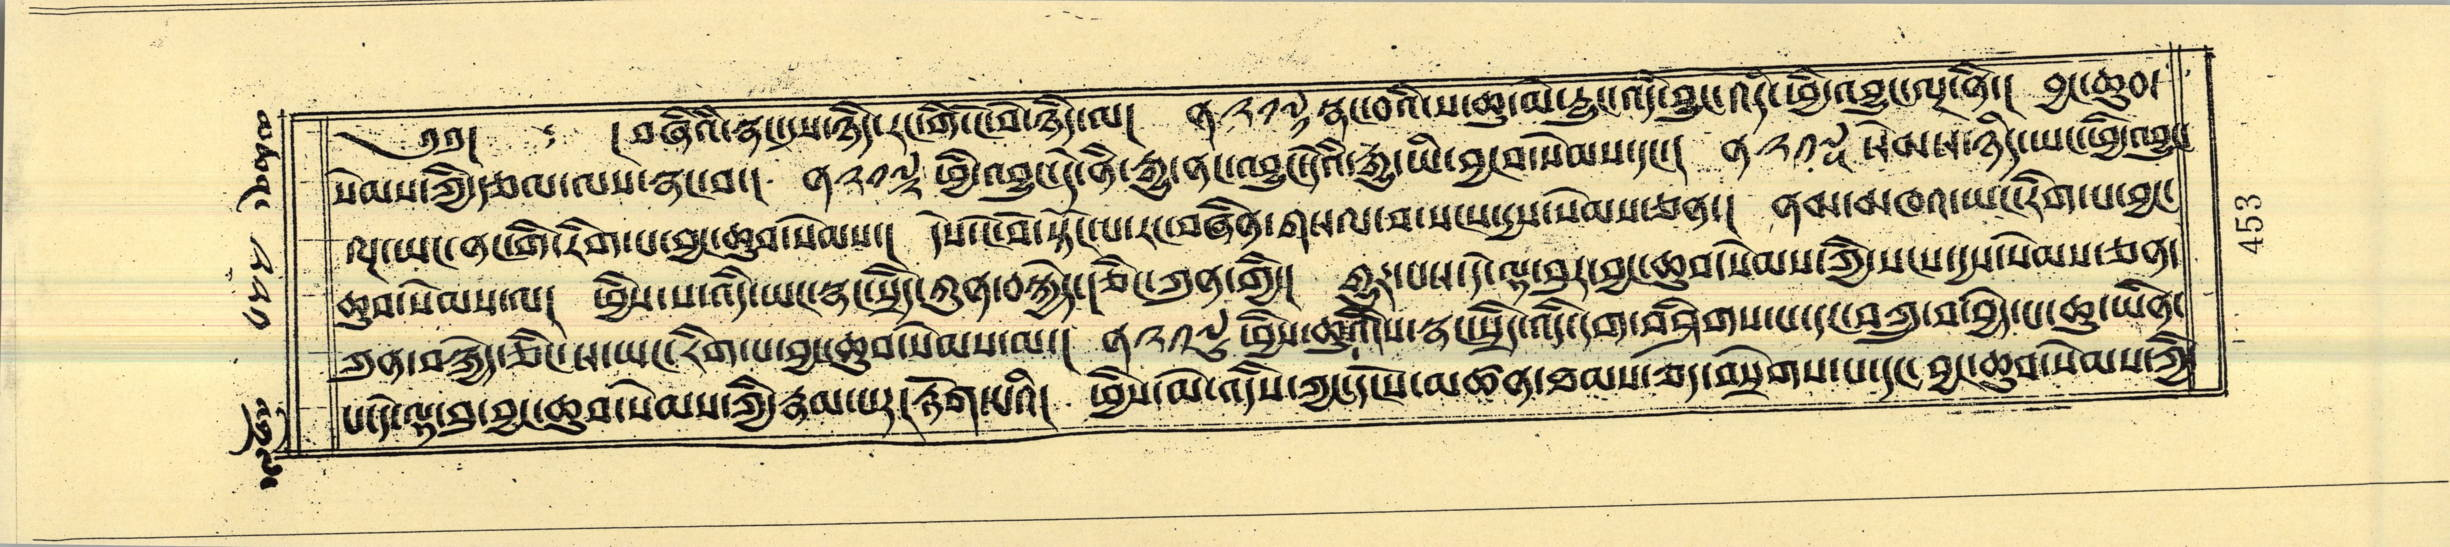གཞིའི་སྣང་དུས་ཉིད་རང་གི་ངོ་བོ་ཉིད་ཡིན་ལ་ན༢༡༧།༡ སྣང་བའི་ས་ཆུ་མེ་རླུང་༼འདི༽ཕྱི་འབྱུང་ལྔ་ནི། བྱང་ཆུབ
སེམས་ཀྱི་རྩལ་ལས་སྣང། ན༢༡༧།༢ ཕྱི་འབྱུང་དེ་ནི་རྒྱུ་ནང་འབྱུང་དེའི་རྒྱུ་ཡི་བྱང་ཆུབ་སེམས་དང་། ན༢༡༧།༥ སེམས་ཉིད་ུང་ཕྱི་འབྱུང་
ལྔ་ཡང་ནང་གི་རིག་པ་བྱང་ཆུབ་སེམས་༼དེས༽ངོ་བོ་སྟོང་པ་རང་བཞིན་༼གསལ་བ༽སངས་རྒྱས་སེམས་ཅན་༼ནམ་མཁའ་ཡང༽རིག་པ་བྱང་
ཆུབ་སེམས་ལ་ཕྱིས་པ་འདི་ཡང་སྣང་སྲིད་༼ཀུན་བསྐྱེད་༽ཅིང་། ཀུན་གྱི་༼གྱུར་པས༽དེ་ལྟ་བུར་བྱང་ཆུབ་སེམས་ཀྱི་སངས་རྒྱས་སེམས་ཅན་
ཀུན་བསྐྱེད་ཅིང་༼ས་ཡང༽རིག་པ་བྱང་ཆུབ་སེམས་ལ་ན༢༡༧།༦ ཕྱིས་ཆུ་འདིས་སྣང་སྲིད་འདི་དག་བཤིགས་པ་དང་བཀྲུ་བ་བྱེད་པ་ཆུ་ཡིན་
པ་དེ་ལྟ་བུ་བྱང་ཆུབ་སེམས་ཀྱི་རྣམ་པར་༼རྟོག་པའི༽ཕྱིས་མེ་འདིས་ཀྱང་དངོས་མཚན་ཐམས་ཅད་བསྲེགས་པ་དང་བྱང་ཆུབ་སེམས་ཀྱི་